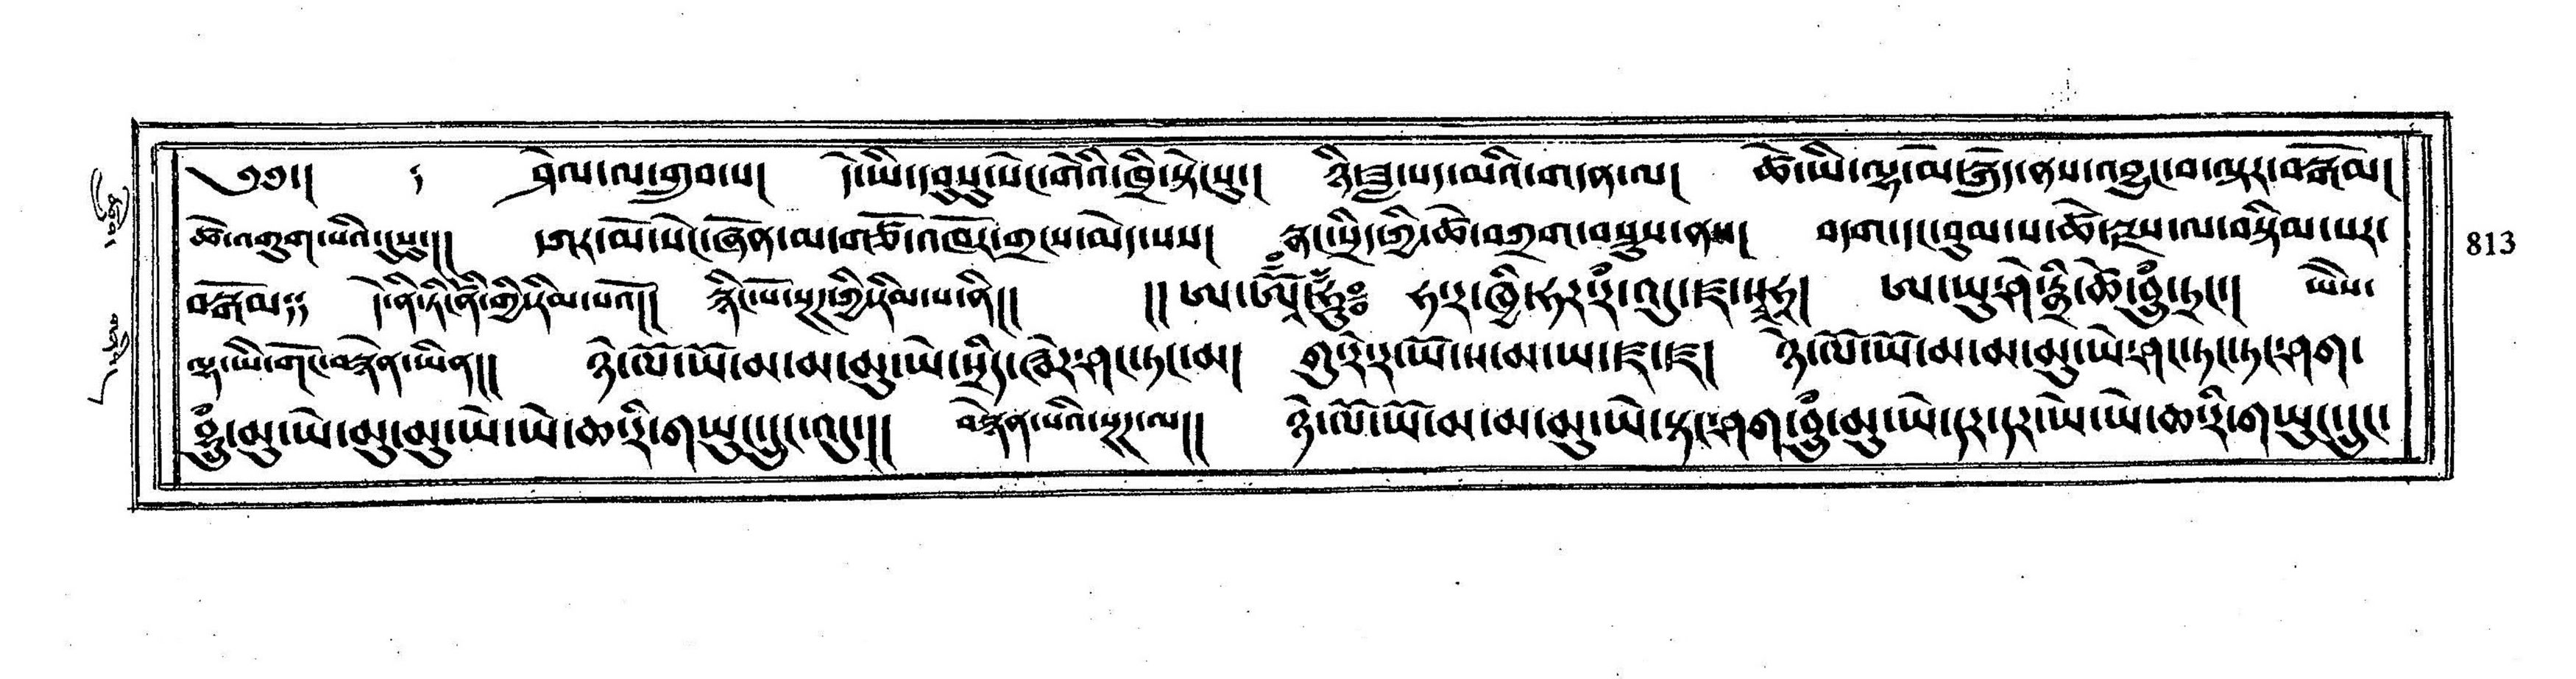ཤེལ་ལ་གྲུབ་པ། དེ་ཡི་དབུས་སུ་སེང་གེའི་ཁྲི་སྟེངས་སུ། ཉི་ཟླ་པད་མའི་གདན་ལ། ཚེ་ཡི་ལྷ་མོ་སྐུ་སྟོད་ནས་འབྱུང་བ་ལྟར་བསྒོམ། 
ཚེ་འགུག་པའི་དུས་སུ།། དཀར་མོ་སེང་ཞོན་མ་གཙོ་འཁོར་གྲངས་མེད་པས། སྣང་སྲིད་ཀྱི་ཚེ་བཀྲག་བསྡུས་ནས། བདག་དང་བུམ་པ་ཚེ་རྫས་ལ་བསྟིམ་པར་
བསྒོམ། དེ་ནི་ཏིང་ངེ་འཛིན་གྱི་རིམ་པའོ།། སྙིང་པོ་སྔགས་ཀྱི་རིམ་པ་ནི།། །།ཨ་ཨཱོཾ་ཧཱུྃ༔ ཧ་ར་ཁྱི་ཧར་རཾ་འདུ་ཛ་སྭཱཧཱ། ཨ་ཡུ་ཤེ་རྣྲི་ཚེ་བྲུཾ་ཏྲང་། ཡེ་ཤེས་
ལྷ་ཡི་གོང་བསྙེན་ཡིན།། ཉེ་ལོ་ཡོ་མ་མ་མུ་ཡེ་སྲིད་ཝེར་ཤང་ཏང་མ། གུ་རེ་ར་ཡོ་ས་མ་ཡ་ཛ་ཛ། ཉེ་ལོ་ཡོ་མ་མ་མུ་ཡེ་ཤང་ཏང་ཏང་ཤག་
བྷྲུཾ་མུ་ཡེ་མུ་མུ་ཡེ་ཡེ་ཆ་རི་གཡུང་དྲུང་འདུ།། བསྙེན་པའི་སྔགས་ལ།། ཉེ་ལོ་ཡོ་མ་མ་མུ་ཡེ་སྟང་ཤག་བྲུཾ་མུ་ཡེ་དར་དར་ཡེ་ཡེ་ཆ་རི་གཡུང་དྲུང་